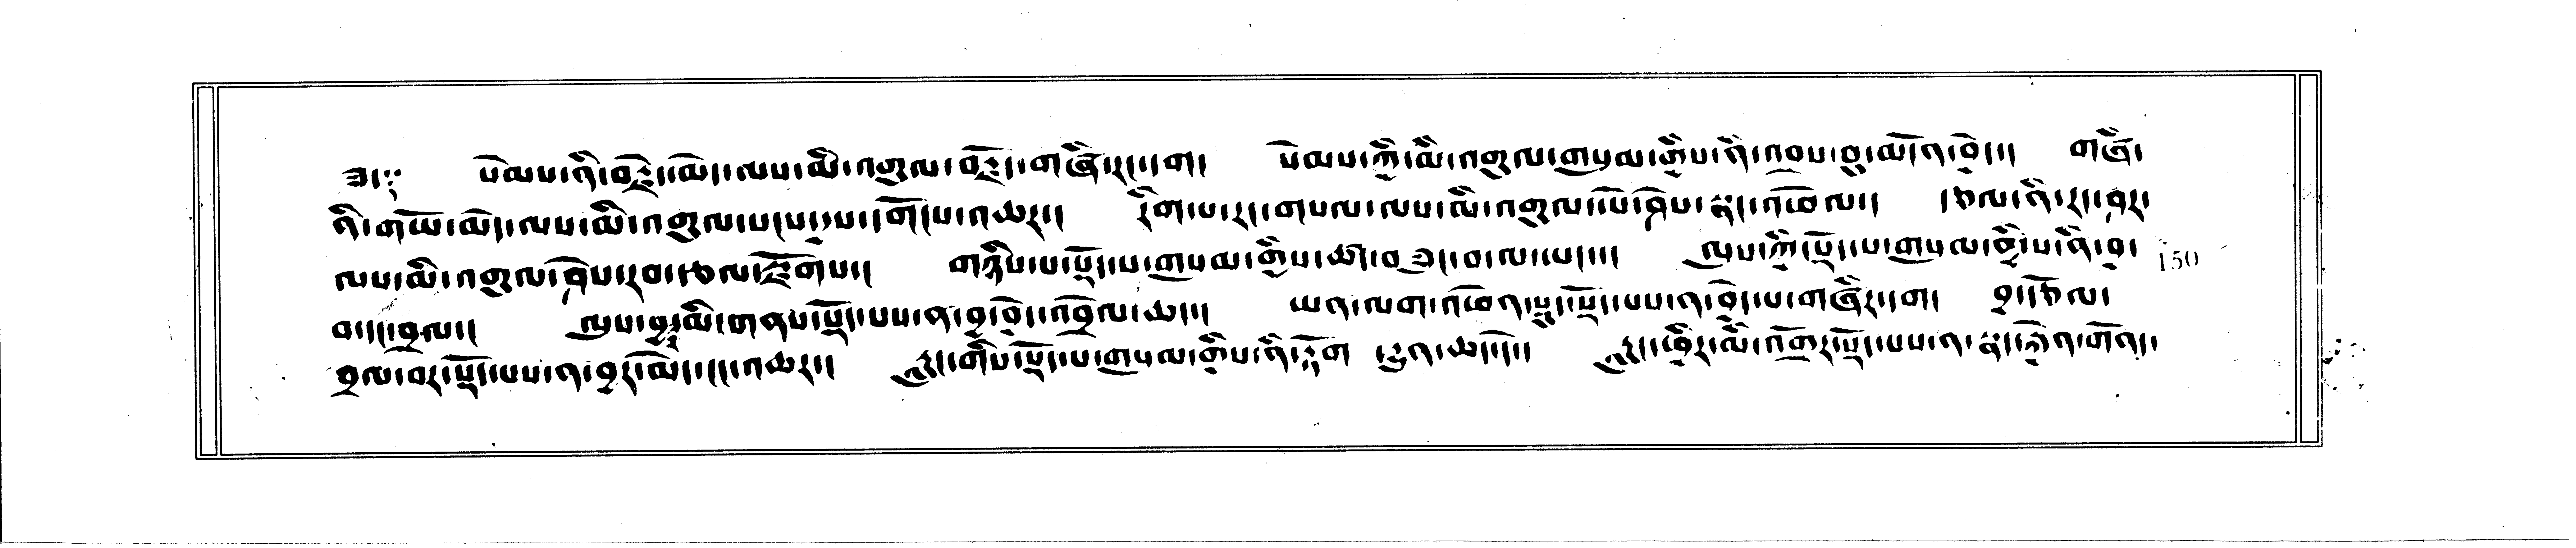ཟད། །སེམས་ནི་བརྗོད་མེད་ལས་མི་འགུལ་བརྗོད་གཞི་རང་དག །སེམས་ཀྱི་མི་འགུལ་གསུམ་གྱིས་ནི་འབྲས་བུ་མངོན་བྱེད། །གཞི་
ནི་གཡོ་མེད་ལས་མི་འགུལ་སངས་རྒྱས་དགོངས་འཆར། །རིག་པ་རང་གསལ་ལས་མི་འགུལ་ཡེ་ཤེས་སྣང་འཕེལ། །རྩལ་ནི་རང་ཤར་
ལས་མི་འགུལ་ཤེས་རབ་རྩལ་རྫོགས། །གཉིས་པ་སྡོད་པ་གསུམ་གྱིས་ཚད་བཟུང་བ་ལ་ཡང་། །ལུས་ཀྱི་སྡོད་པ་གསུམ་གྱིས་ནི་བྱ་
བ་དང་བྲལ། །ལུས་བྱར་མི་གནས་སྡོད་པས་ན་བྱ་བྱེད་འབྲེལ་ཆད། །ཡན་ལག་འཕེན་སྡུད་སྡོད་པས་ན་བྱེད་པ་གཞིར་དག །བྱ་རྩོལ་
བྲལ་བར་སྡོད་པས་ན་བྱར་མེད་ངང་འཆར། །རླུང་གིས་སྡོད་པ་གསུམ་གྱིས་ནི་རྟོག་རྒྱུན་ཆད་དོ། །རླུང་ཕྱིར་མི་འགྲོར་སྡོད་པས་ན་སྣང་རྐྱེན་གནོད་